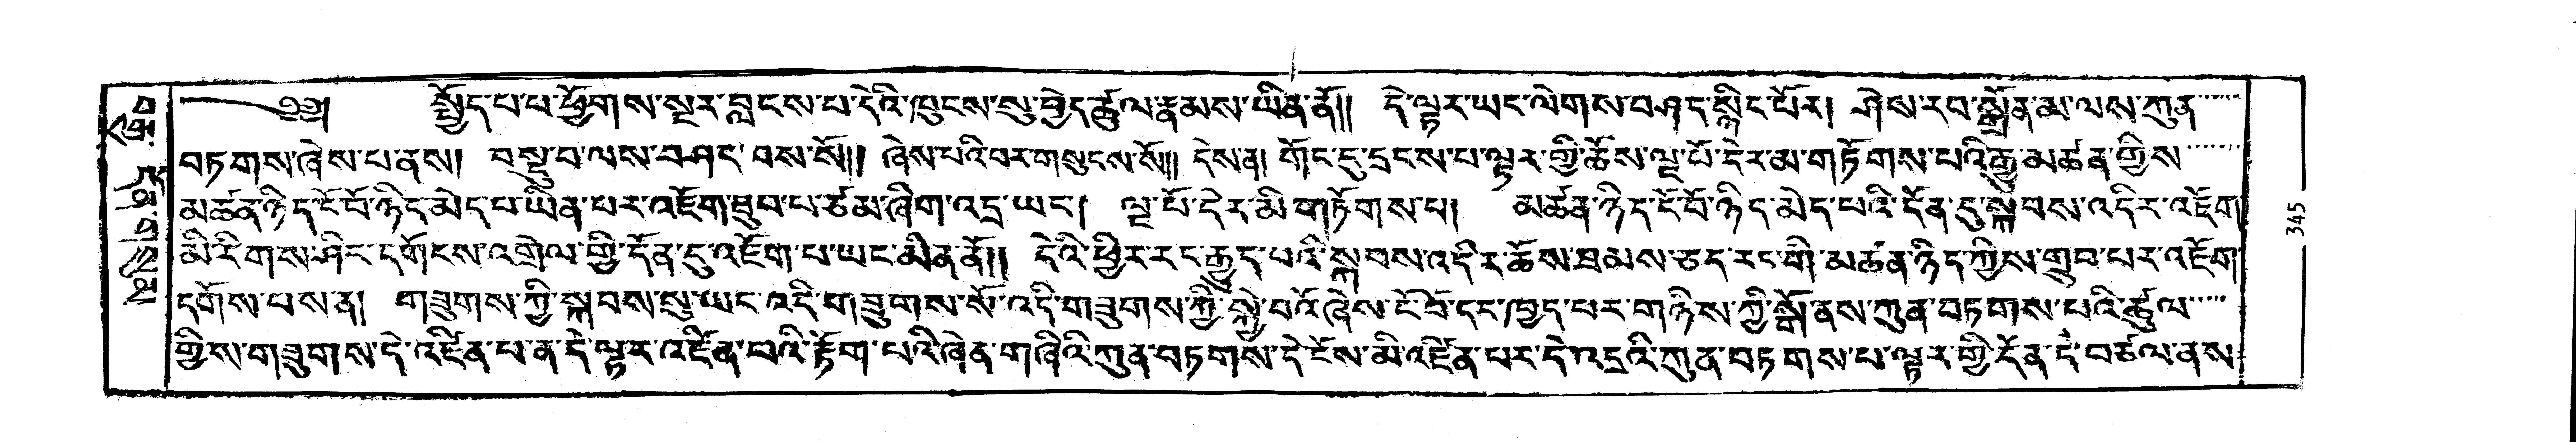༄༅། །སྤྱོད་པ་པ་ཕྱོགས་སྔར་བླངས་པ་དེའི་ཁུངས་སུ་བྱེད་ཚུལ་རྣམས་ཡིན་ནོ། །དེ་ལྟར་ཡང་ལེགས་བཤད་སྙིང་པོར། ཤེས་རབ་སྒྲོན་མ་ལས་ཀུན་
བཏགས་ཞེས་པ་ནས། བསྡུ་བ་ལས་བཤད་བས་སོ། །ཞེས་པའི་བར་གསུངས་སོ། །དེས་ན། གོང་དུ་དྲངས་པ་ལྟར་གྱི་ཆོས་ལྔ་པོ་དེར་མ་གཏོགས་པའི་རྒྱུ་མཚན་གྱིས་
མཚན་ཉིད་ངོ་བོ་ཉིད་མེད་པ་ཡིན་པར་འཇོག་ཐུབ་པ་ཙམ་ཞིག་འདྲ་ཡང་། ལྔ་པོ་དེར་མི་གཏོགས་པ། མཚན་ཉིད་ངོ་བོ་ཉིད་མེད་པའི་དོན་དུ་སྐབས་འདིར་འཇོག་
མི་རིགས་ཤིང་དགོངས་འགྲེལ་གྱི་དོན་དུ་འཇོག་པ་ཡང་མིན་ནོ། །དེའི་ཕྱིར་རང་རྒྱུད་པའི་སྐབས་འདིར་ཆོས་ཐམས་ཅད་རང་གི་མཚན་ཉིད་ཀྱིས་གྲུབ་པར་འཇོག་
དགོས་པས་ན། གཟུགས་ཀྱི་སྐབས་སུ་ཡང་འདི་གཟུགས་སོ་འདི་གཟུགས་ཀྱི་སྐྱེ་བའོ་ཞེས་ངོ་བོ་དང་ཁྱད་པར་གཉིས་ཀྱི་སྒོ་ནས་ཀུན་བཏགས་པའི་ཚུལ་
གྱིས་གཟུགས་དེ་འཛིན་པ་ན་དེ་ལྟར་འཛིན་པའི་རྟོག་པའི་ཞེན་གཞིའི་ཀུན་བཏགས་དེ་ངོས་མི་འཛིན་པར་དེ་འདྲའི་ཀུན་བཏགས་པ་ལྟར་གྱི་དོན་དེ་བཙལ་ནས་